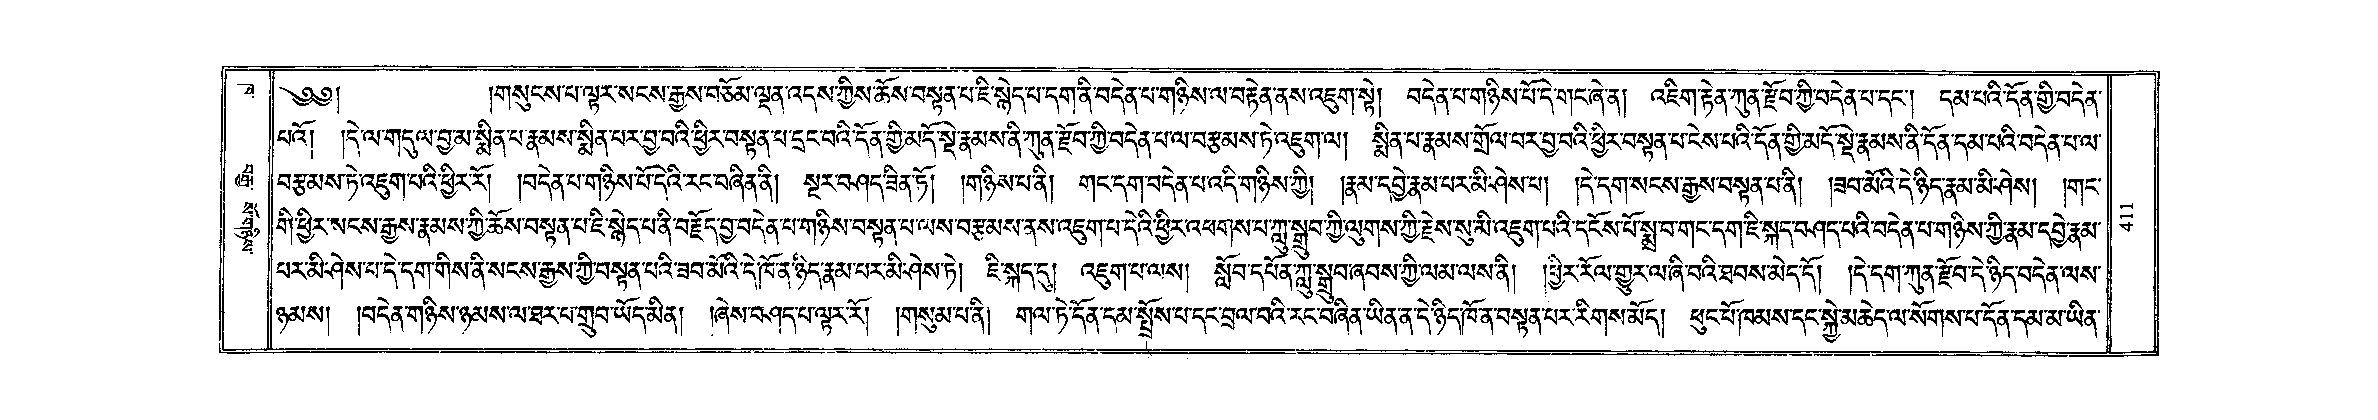༄༅། །གསུངས་པ་ལྟར་སངས་རྒྱས་བཅོམ་ལྡན་འདས་ཀྱིས་ཆོས་བསྟན་པ་ཇི་སྙེད་པ་དག་ནི་བདེན་པ་གཉིས་ལ་བརྟན་ནས་འཇུག་སྟེ། བདེན་པ་གཉིས་པོ་དེ་གང་ཞེ་ན། འཇིག་རྟེན་ཀུན་རྫོབ་ཀྱི་བདེན་པ་དང་། དམ་པའི་དོན་གྱི་བདེན་
པའོ། །དེ་ལ་གདུལ་བྱ་མ་སྨིན་པ་རྣམས་སྨིན་པར་བྱ་བའི་ཕྱིར་བསྟན་པ་དྲང་བའི་དོན་གྱི་མདོ་སྡེ་རྣམས་ནི་ཀུན་རྫོབ་ཀྱི་བདེན་པ་ལ་བརྩམས་ཏེ་འཇུག་ལ། སྨིན་པ་རྣམས་གྲོལ་བར་བྱ་བའི་ཕྱིར་བསྟན་པ་ངེས་པའི་དོན་གྱི་མདོ་སྡེ་རྣམས་ནི་དོན་དམ་པའི་བདེན་པ་ལ་
བརྩམས་ཏེ་འཇུག་པའི་ཕྱིར་རོ། །བདེན་པ་གཉིས་པོ་དེའི་རང་བཞིན་ནི། སྔར་བཤད་ཟིན་ཏོ། །གཉིས་པ་ནི། གང་དག་བདེན་པ་འདི་གཉིས་ཀྱི། །རྣམ་དབྱེ་རྣམ་པར་མི་ཤེས་པ། །དེ་དག་སངས་རྒྱས་བསྟན་པ་ནི། །ཟབ་མོའི་དེ་ཉིད་རྣམ་མི་ཤེས། །གང་
གི་ཕྱིར་སངས་རྒྱས་རྣམས་ཀྱི་ཆོས་བསྟན་པ་ཇི་སྙེད་པ་ནི་བརྗོད་བྱ་བདེན་པ་གཉིས་བསྟན་པ་ལས་བརྩམས་ནས་འཇུག་པ་དེའི་ཕྱིར་འཕགས་པ་ཀླུ་སྒྲུབ་ཀྱི་ལུགས་ཀྱི་རྗེས་སུ་མི་འཇུག་པའི་དངོས་པོ་སྨྲ་བ་གང་དག་ཇི་སྐད་བཤད་པའི་བདེན་པ་གཉིས་ཀྱི་རྣམ་དབྱེ་རྣམ་
པར་མི་ཤེས་པ་དེ་དག་གིས་ནི་སངས་རྒྱས་ཀྱི་བསྟན་པའི་ཟབ་མོའི་དེ་ཁོ་ན་ཉིད་རྣམ་པར་མི་ཤེས་ཏེ། ཇི་སྐད་དུ། འཇུག་པ་ལས། སློབ་དཔོན་ཀླུ་སྒྲུབ་ཞབས་ཀྱི་ལམ་ལས་ནི། །ཕྱིར་རོལ་གྱུར་ལ་ཞི་བའི་ཐབས་མེད་དོ། །དེ་དག་ཀུན་རྫོབ་དེ་ཉིད་བདེན་ལས་
ཉམས། །བདེན་གཉིས་ཉམས་ལ་ཐར་པ་གྲུབ་ཡོད་མིན། །ཞེས་བཤད་པ་ལྟར་རོ། །གསུམ་པ་ནི། གལ་ཏེ་དོན་དམ་སྤྲོས་པ་དང་བྲལ་བའི་རང་བཞིན་ཡིན་ན་དེ་ཉིད་ཁོ་ན་བསྟན་པར་རིགས་མོད། ཕུང་པོ་ཁམས་དང་སྐྱེ་མཆེད་ལ་སོགས་པ་དོན་དམ་མ་ཡིན་